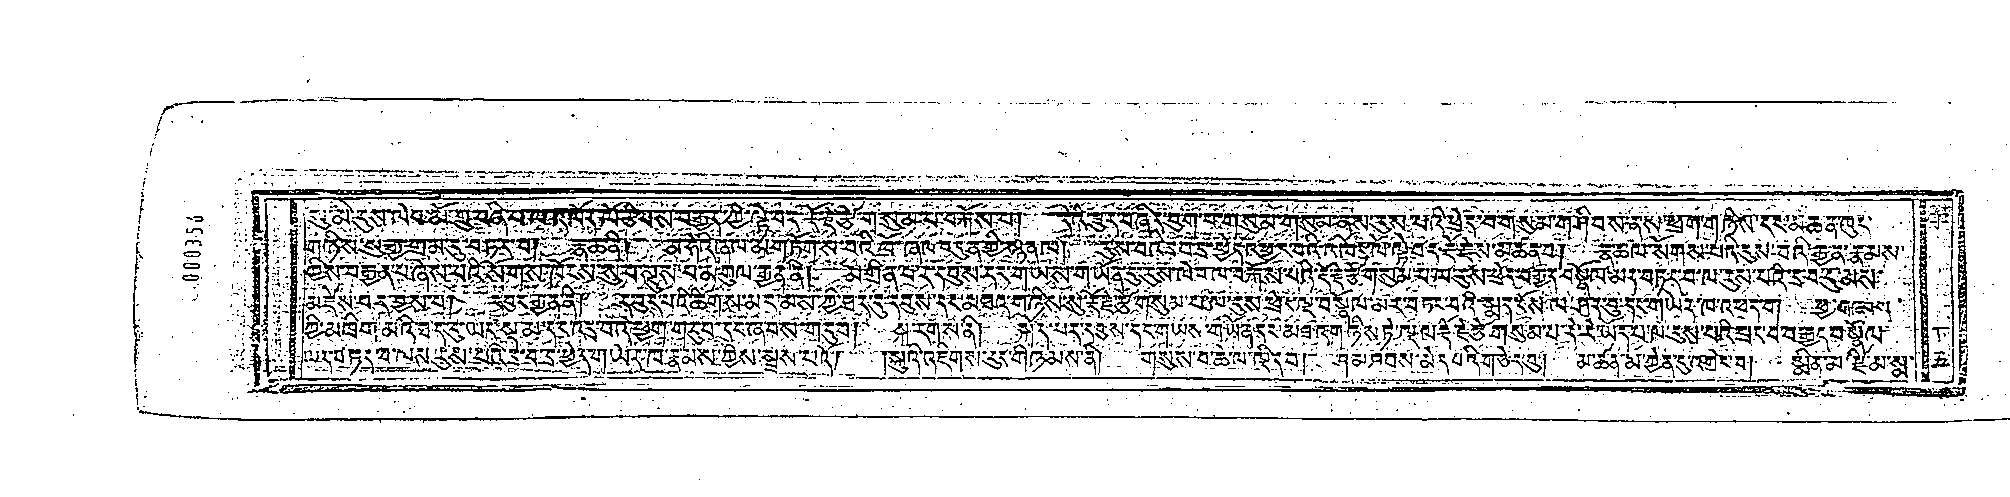སུ་མི་རུས་ལེབ་མོ་གྲུ་བཞི་པ་ལ་འཁོར་ལོ་རྩིབས་བརྒྱད་ཀྱི་ལྟེ་བར་རྡོ་རྗེ་རྩེ་གསུམ་པ་བརྐོས་པ། དེའི་ཟུར་བཞིར་བུག་པ་གསུམ་གསུམ་ནས་རུས་པའི་ཕྲེད་བ་གསུམ་གཤིབས་ནས་ཕྲག་གཉིས་དང་མཆན་ཁུང་
གཉིས་སུ་རྒྱ་གྲམ་དུ་བཏང་བ། རྣ་ཆ་ནི། མ་ཧེའི་ཞལ་མ་གཏོགས་བའི་ཁྲོ་ཞལ་བདུན་གྱི་སྙན་ལ། རུས་བའི་དྲ་བ་དྲ་ཕྱེད་འཕྱང་བའི་འཁོར་ལོ་ལྟེ་བར་རྡོ་རྗེས་མཚན་བ། རྣ་ཆ་ལ་སོགས་པའི་དུས་བའི་རྒྱན་རྣམས་
ཀྱིས་བརྒྱན་པ་ཞེས་པའི་སོགས་ཁོངས་སུ་བསྡུས་པ་མགུལ་རྒྱན་ནི། མགྲིན་པར་དབུས་དང་གཡས་གཡོན་དུ་རུས་ལེབ་ལ་བརྐོས་པའི་རྡོ་རྗེ་རྩེ་གསུམ་པ་ལ་རུས་ཕྲེང་བརྒྱད་བསྣོལ་མར་བཏང་བ་ལ་རུས་པའི་དྲ་བ་དུ་མས་
མཛེས་བར་བྱས་པ། དབུས་རྒྱན་ནི། དབུད་པའི་ཚིགས་མང་མས་ཀྱི་ཐད་དུ་དབུས་དང་མཐའ་གཉིས་སུ་རྡོ་རྗེ་རྩེ་གསུམ་པ་ལ་རུས་ཕྲེང་ལྔ་བསྣོལ་མར་བཏང་བའི་སྨད་ངོས་ལ་ཤར་བུ་དང་གཡེར་ཁ་འཕང་བ། ཕྱ་གཞབས་
ཀྱི་མཁྲིག་མའི་ཐད་དུ་ཡང་སྡ་མ་དང་འདྲ་བའི་ཕྱག་གདུབ་དང་ཞབས་གདུབ། སྐ་རགས་ནི། སྐེད་པར་དབུས་དང་གཡས་གཡོན་དང་མཐའ་གཉིས་ཏེ་ལྔ་ལ་རྡོ་རྗེ་རྩེ་གསུམ་པ་རེ་རེ་ཡོད་པ་ལ་རུས་བའི་ཕྲེང་བ་བརྒྱད་བསྣོལ་
པར་བཏང་བ་ལས་རུས་པའི་དྲ་བ་དྲ་ཕྱེད་གཡེར་ཁ་རྣམས་ཀྱིས་སྦྲས་པའོ། །སྐུའི་འཇིགས་རུང་གི་ཉམས་ནི། གསུས་བ་ཆེ་ལ་ལྡིང་བ། ཤ་མ་ཐབས་མེད་པའི་གཅེར་བུ། མཚན་མ་གྱེན་དུ་འགྲེང་བ། སྨིན་མ་རྫི་མ་སྨྲ་